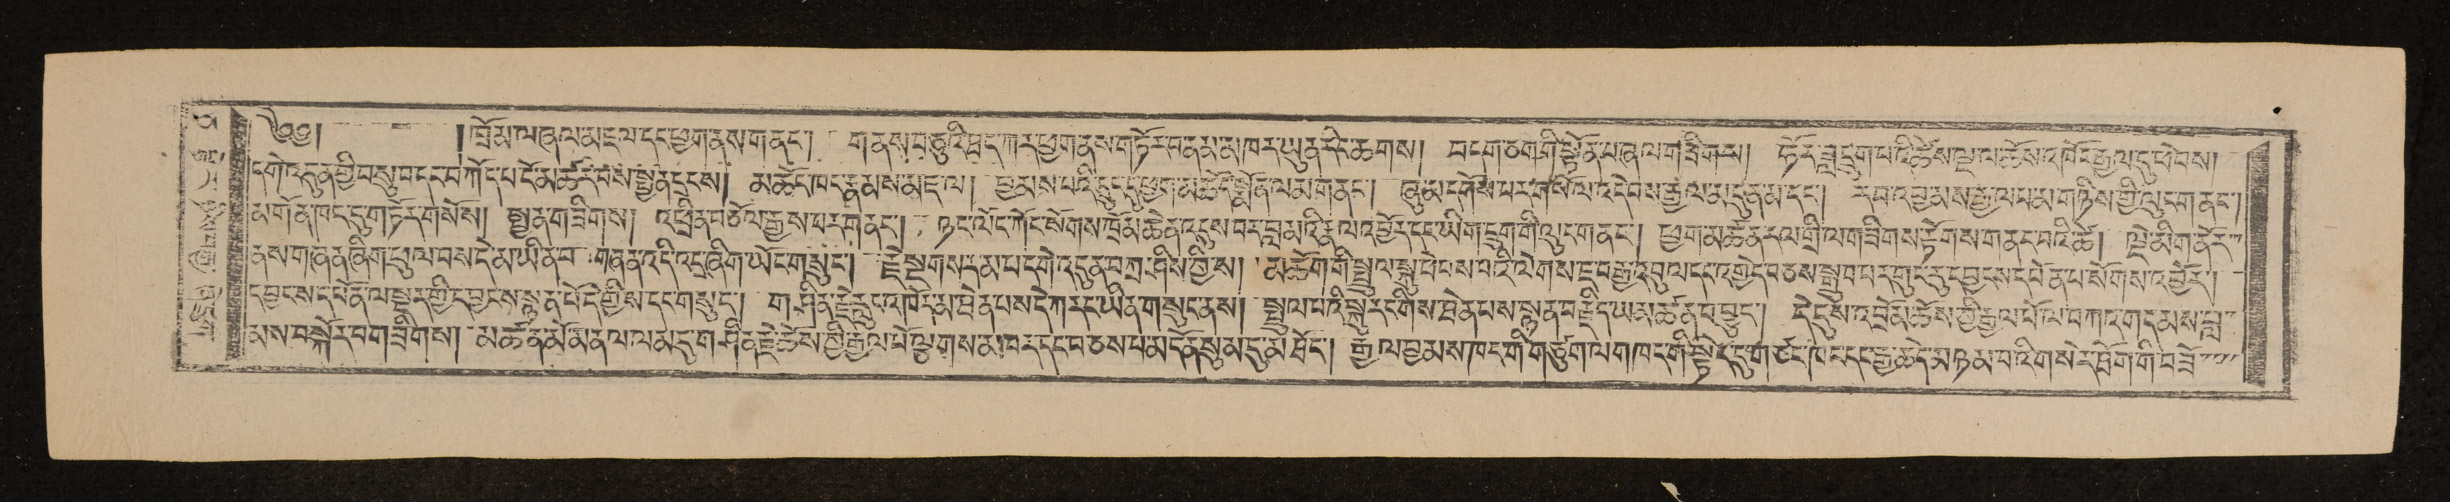༄༅། །ཁྲོམ་ལ་ཞལ་མཇལ་དང་ཕྱག་ནས་གནང་། གནས་བཅུའི་ཐང་ཀར་ཕྱག་ནས་གཏོར་བ་ནམ་མཁར་ཡུན་རིང་ཆགས། བདག་ཅག་གི་སྟོན་པ་ཞལ་གཟིགས། ཧོར་ཟླ་དྲུག་པའི་ཚེས་ལྔ་ལ་ཆོས་འཁོར་རྒྱལ་དུ་ཕེབས།
དགེ་འདུན་གྱི་བསུ་བ་དང་བཀོད་པ་ངོ་མཚར་བས་སྤྱན་དྲངས། མཆོད་ཁང་རྣམས་མཇལ། བྱམས་པའི་དྲུང་དུ་ཕྱག་མཆོད་སྨོན་ལམ་གནང་། ཞུ་མ་དགོས་བར་གསོལ་འདེབས་རྒྱལ་མདུན་མ་དང་། རབ་འབྱམས་རྒྱལ་བ་མ་གཉིས་གྱི་ལུང་གནང་།
མགོན་ཁང་དུ་གཏོར་གསོས། སྤྱན་གཟིགས། འཕྲིན་བཅོལ་རྒྱས་པར་གནང་། ཉང་ལོང་ཀོང་སོགས་ཁྲོམ་ཆེན་འདུས་བར་བླ་མའི་རྣལ་འབྱོར་དང་ཡིག་དྲུག་གི་ལུང་གནང་། ཕྱག་མཚན་རལ་གྲི་ལ་གཟིགས་རྟོགས་གནང་བའི་ཚེ། ལྡེ་མིག་ནོར་
ནས་གཞན་ཞིག་ཕུལ་བས་དེ་མ་ཡིན་པ་གཞན་འདི་འདྲ་ཞིག་ཡོང་གསུང་། རྗེ་སྔགས་རམ་པ་དགེ་འདུན་བཀྲ་ཤིས་ཀྱིས། མཆོག་གི་སྤྲུལ་སྐུ་ཕེབས་པའི་ལེགས་ཇ་བརྒྱ་འབུལ་དང་འགྱེད་བཅས་སྒྲུབ་པར་གུང་རུ་དབྱངས་དཔོན་པ་སོགས་འབྱོར།
དབྱངས་དཔོན་ལ་སྔར་གྱི་དབྱངས་སྙན་པོ་དེ་གྱིས་དང་གསུང་། གཤིན་རྗེ་རླུང་འཁོར་མ་ཐེན་པས་དེ་ཀ་རང་ཡིན་གསུང་ནས། སྤྲུལ་བའི་སྐུ་རང་གིས་ཐོན་པས་སྙན་བརྗིད་ཡ་མཚན་བ་བྱུང་། དེ་དུས་འབྲོམ་ཆོས་ཀྱི་རྒྱལ་པོ་ལ་བཀའ་གདམས་བླ་
མས་བསྐོར་བ་གཟིགས། མཚན་མོ་མནལ་ལམ་དུ་གཤིན་རྗེ་ཆོས་ཀྱི་རྒྱལ་པོ་ལྕགས་མ་ཁང་དང་བཅས་པ་མངོན་སུམ་དུ་མཐོང་། རྒྱལ་བྱམས་ཁང་གི་གཙུག་ལག་ཁང་གི་སྟེང་དུ་གཙང་ཁང་དང་རྒྱ་ཚད་མཉམ་པའི་གསེར་ཐོག་གི་བཟོ་